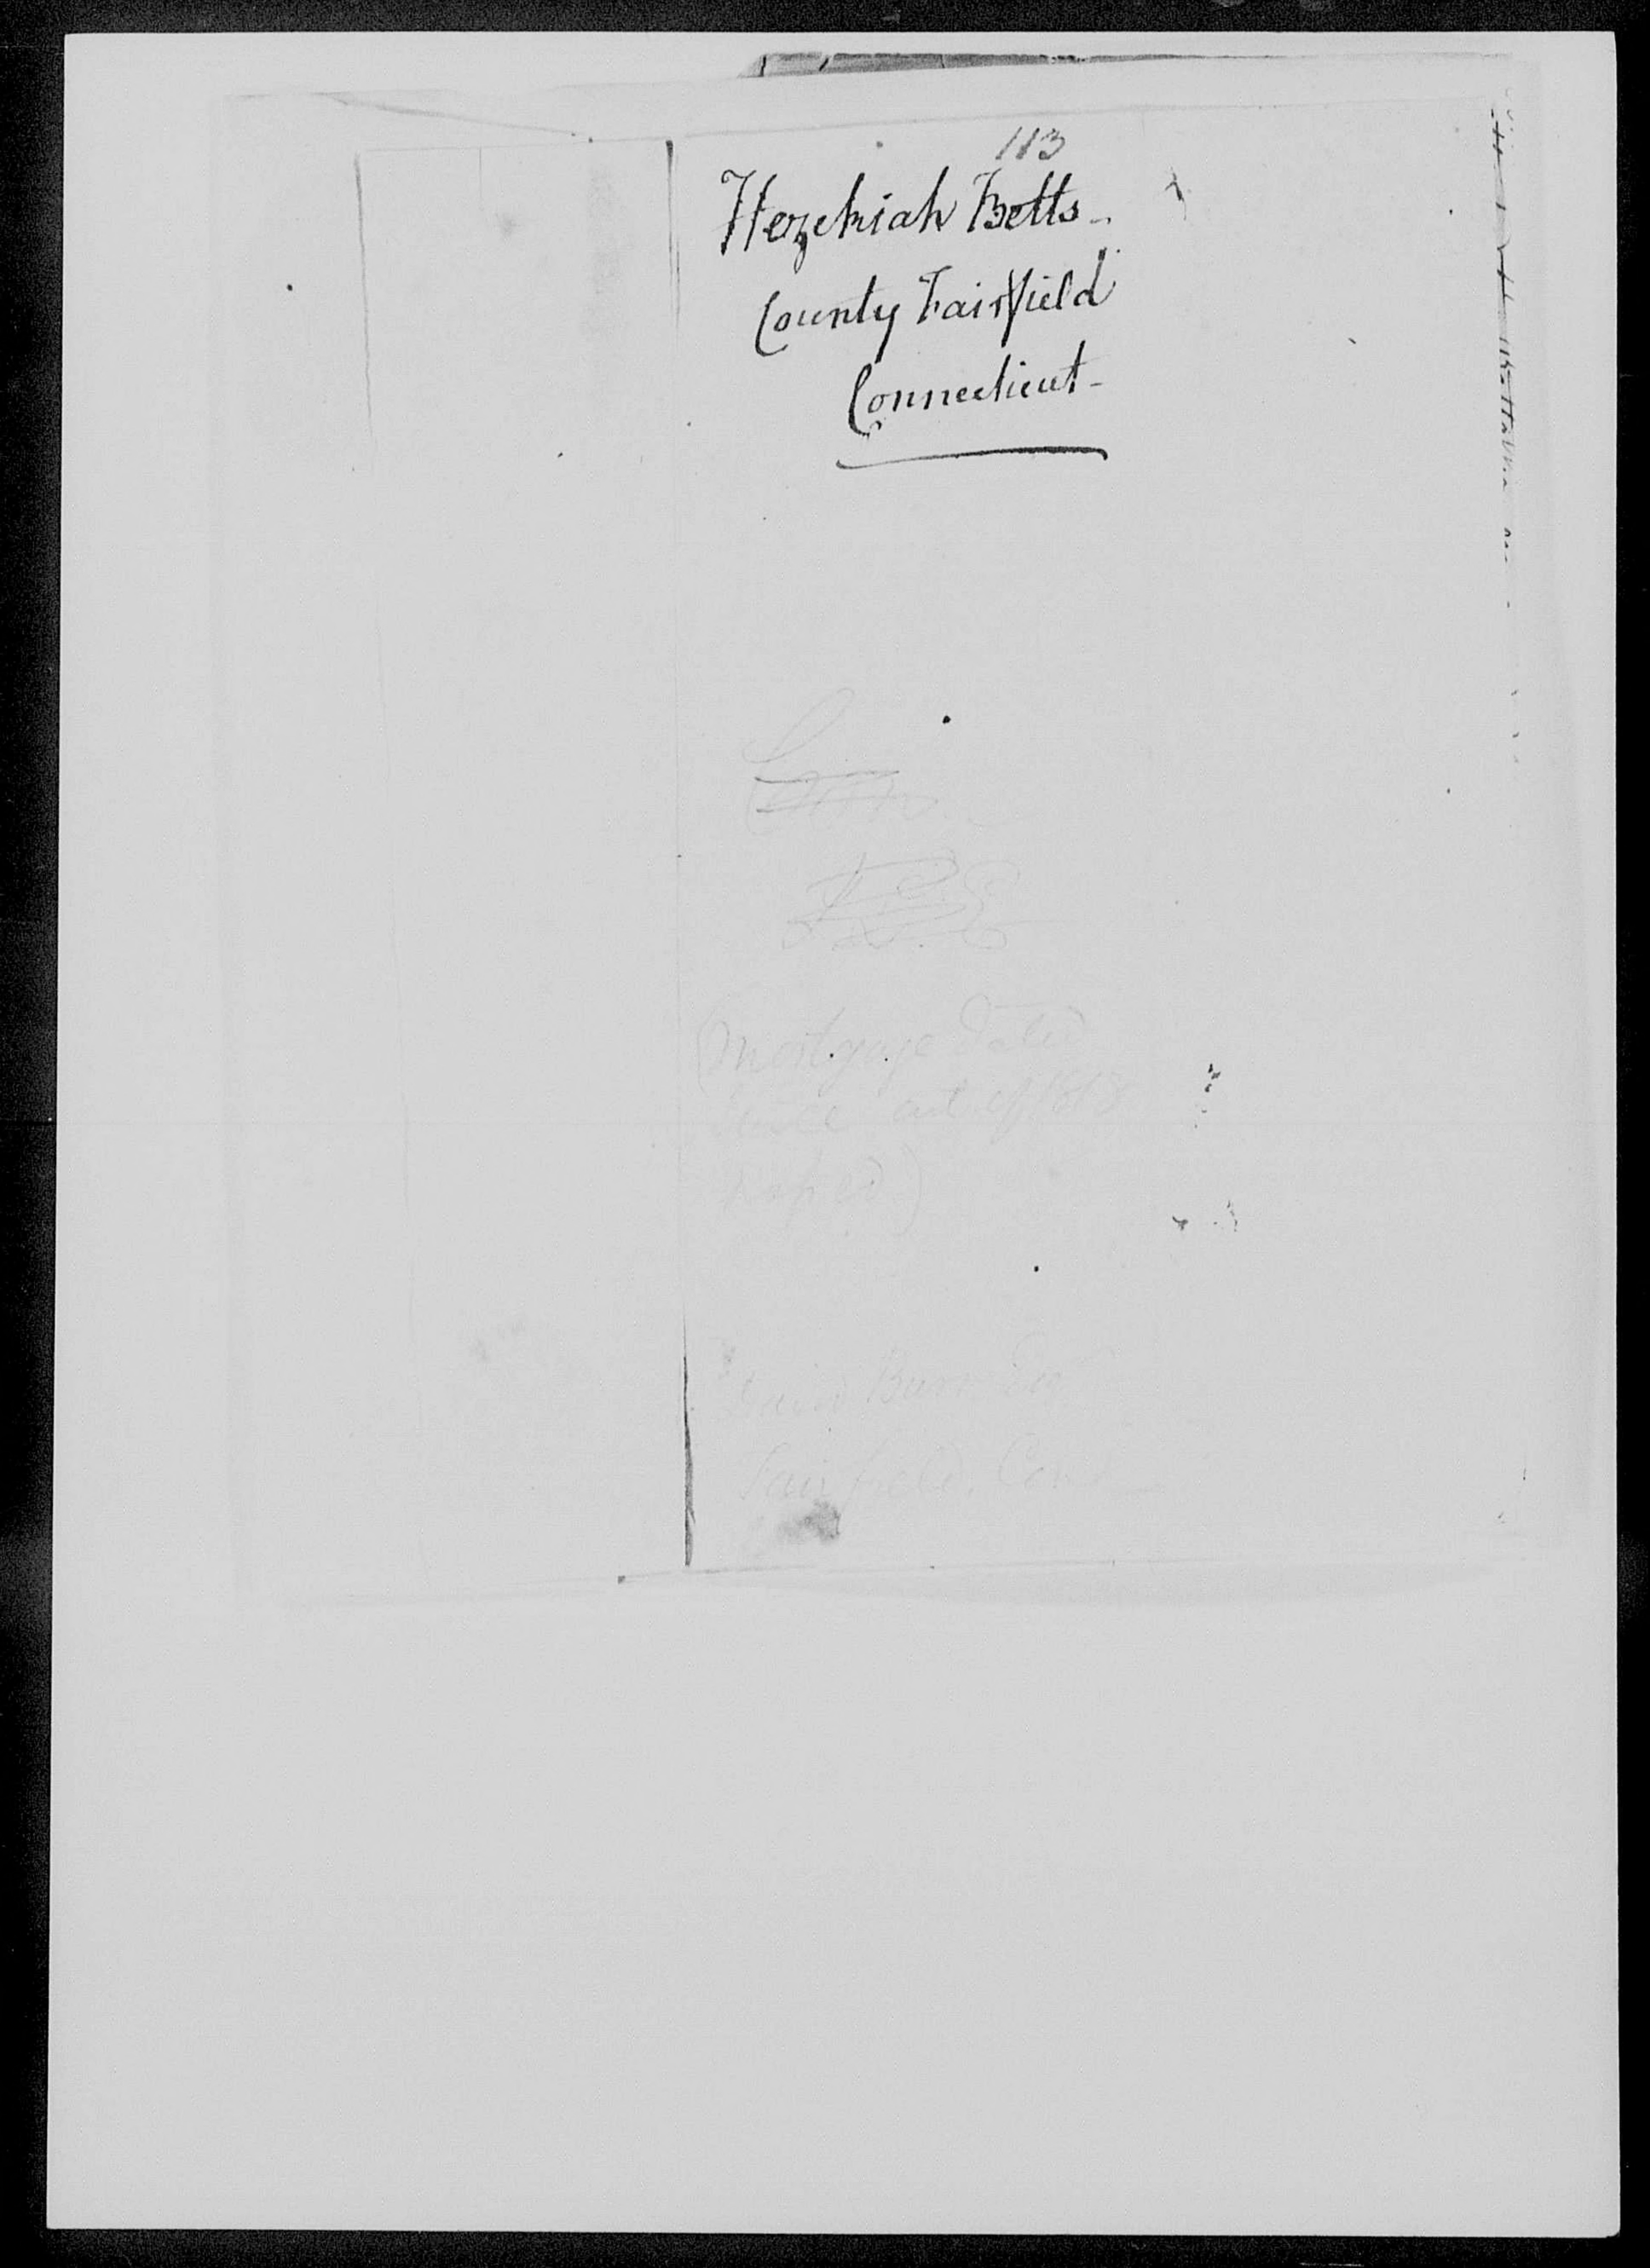113
Hezekiah Betts
County Fairfield
Connecticut


*faint writing at bottom*

(Mortgage Dated 
until act of 1818 paper)

David Burr, Esq.
Fairfield Conn.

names: Hezekiah Betts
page: 4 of 61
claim: widow's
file: W. 29,929, Hezekiah Betts, Conn.